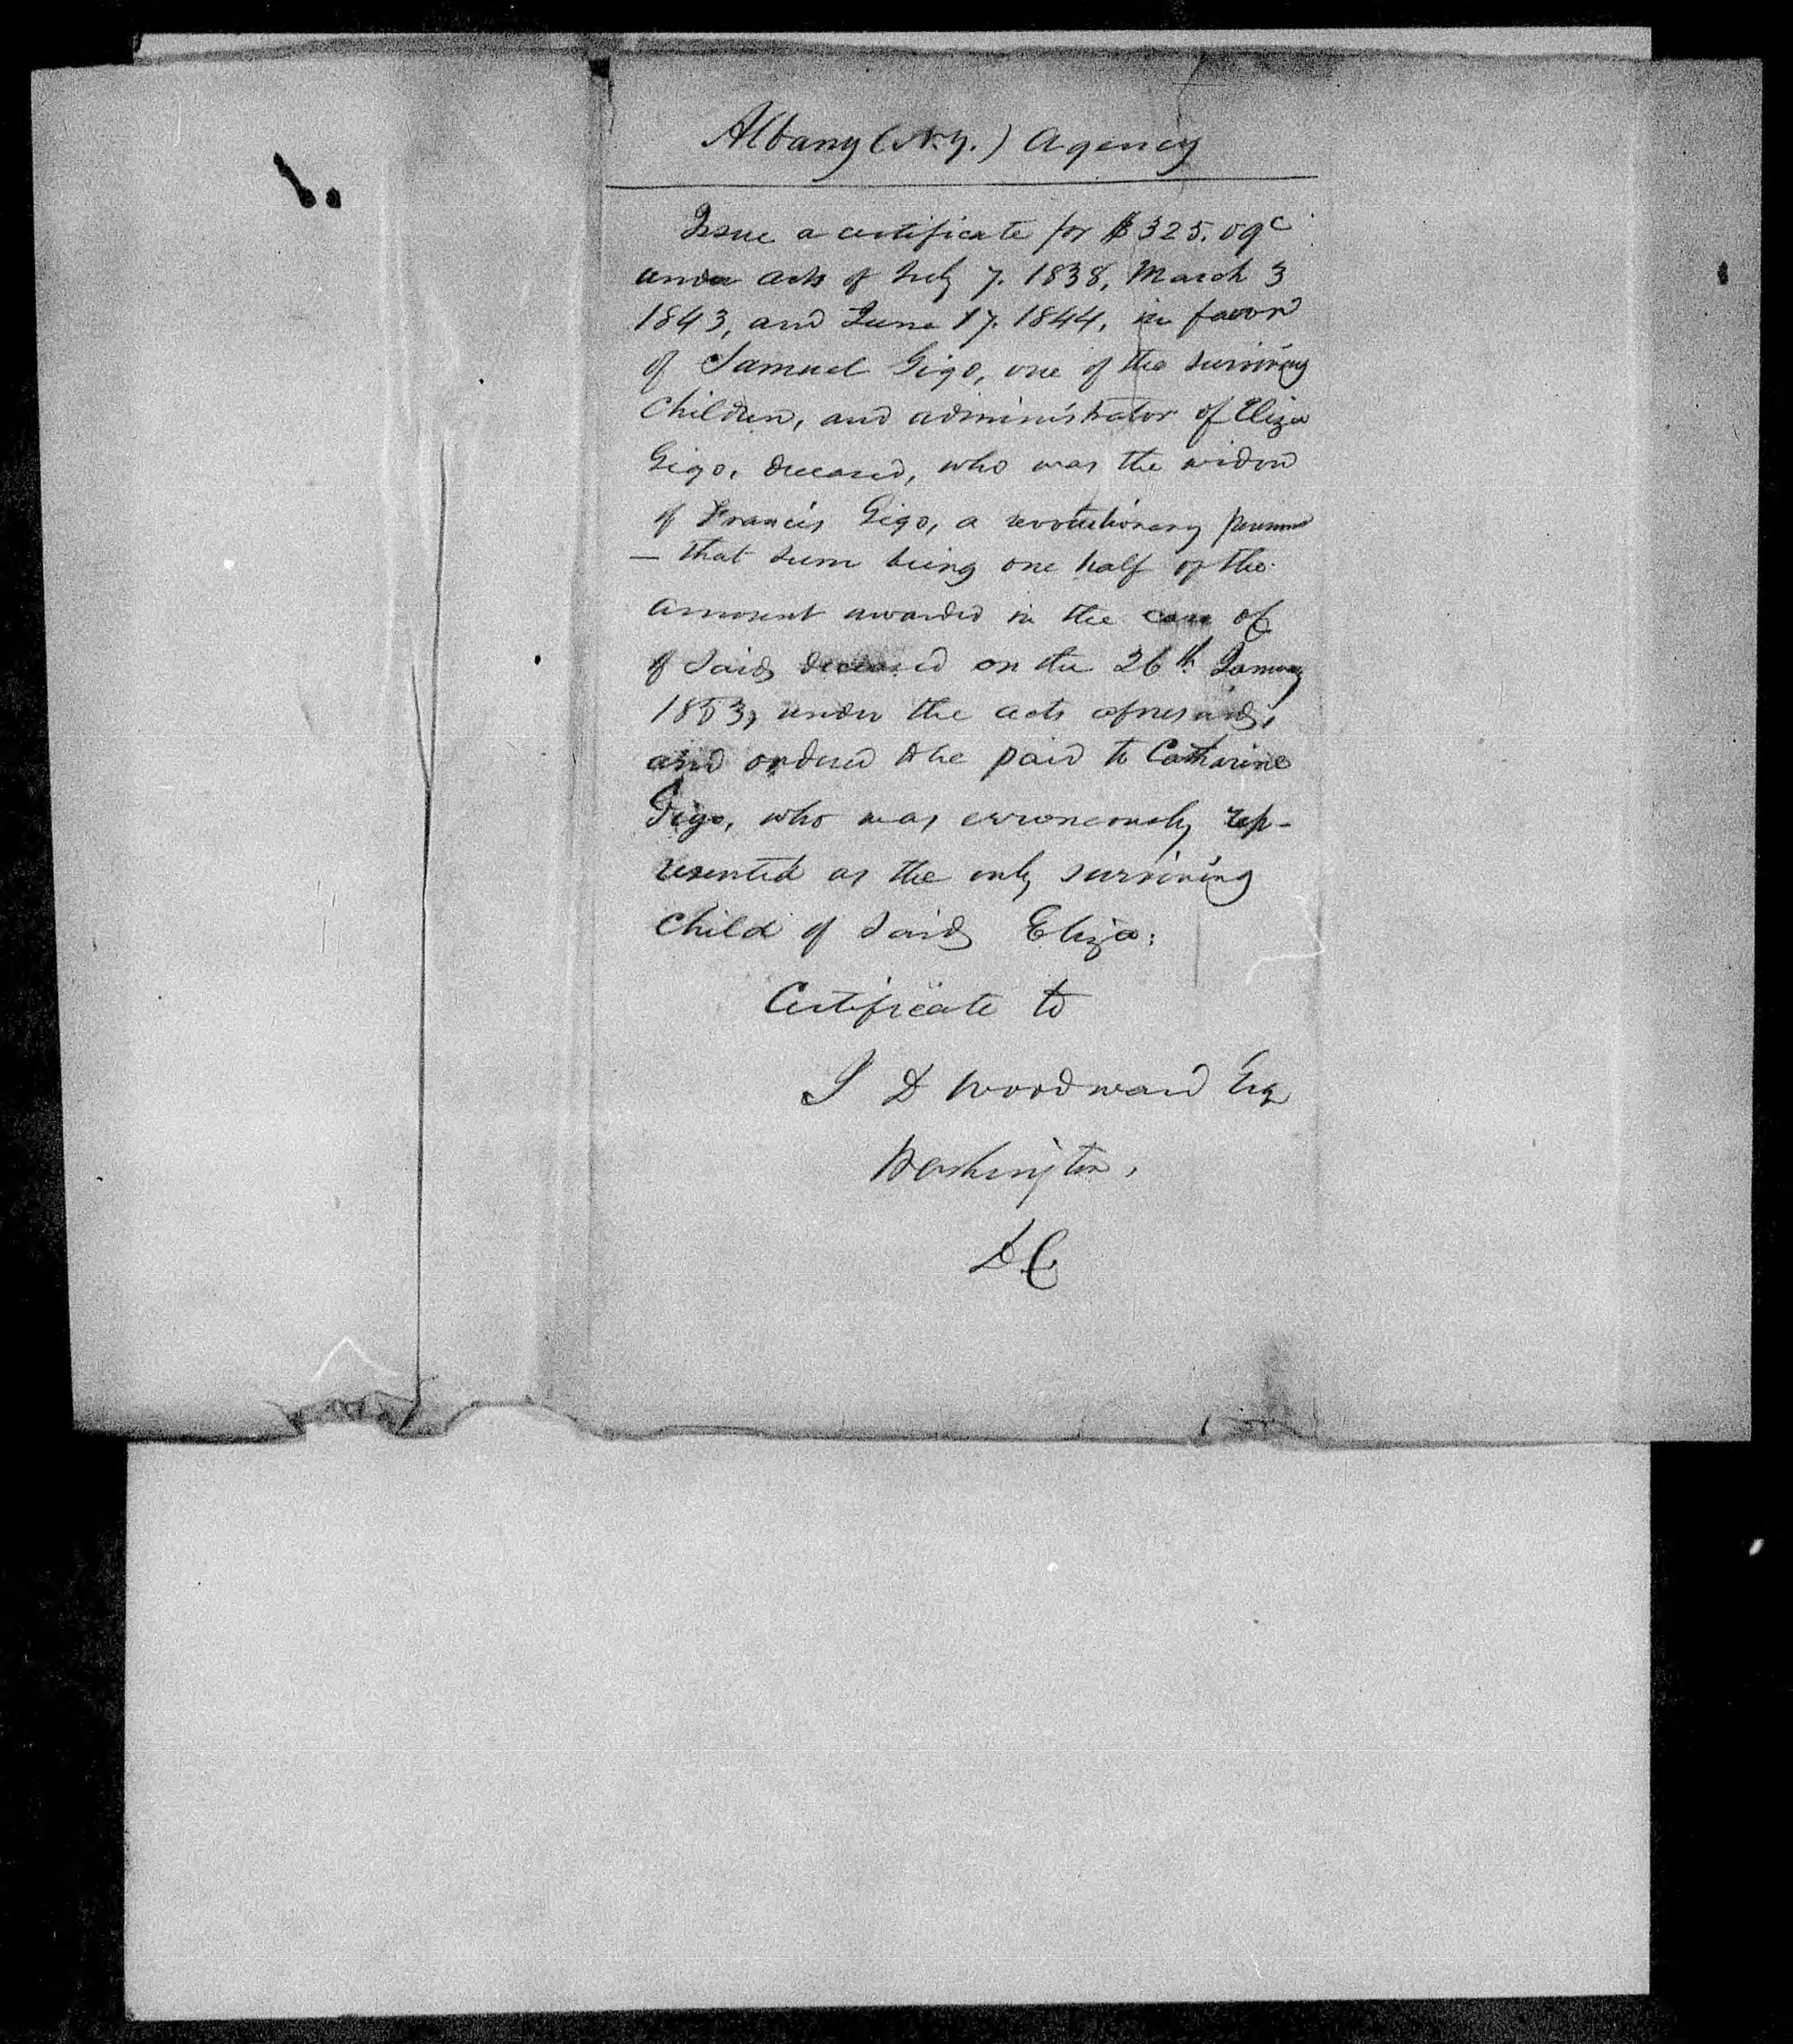Albany Co N. Y.) Agency
Issue a certificate for $325.09c under act of July 7. 1838, March 3, 1843, and June 17, 1844, in favor of Samuel Gigo, one of the surviving children, and administrator of Eliza Gigo, Deceased, who was the widow of Francis Gigo, a revolutionary pensioner - that him being one half of the amount awarded in the case of said deceased on the 26th January 1853, under the acts aforesaid, and ordered he paid to Catherine Gigo, who was erroneously represented as the only surviving child of said Eliza;
Certificate to J. D. Woodward Esq
Washington D.C.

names: Eliza, Catharine Gigo, J D Woodward, Francis Gigo, Samuel Gigo, Eliza Gigo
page: 26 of 98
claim: widow's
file: W. 21182, Francis Gigo, Continental (Canadian)